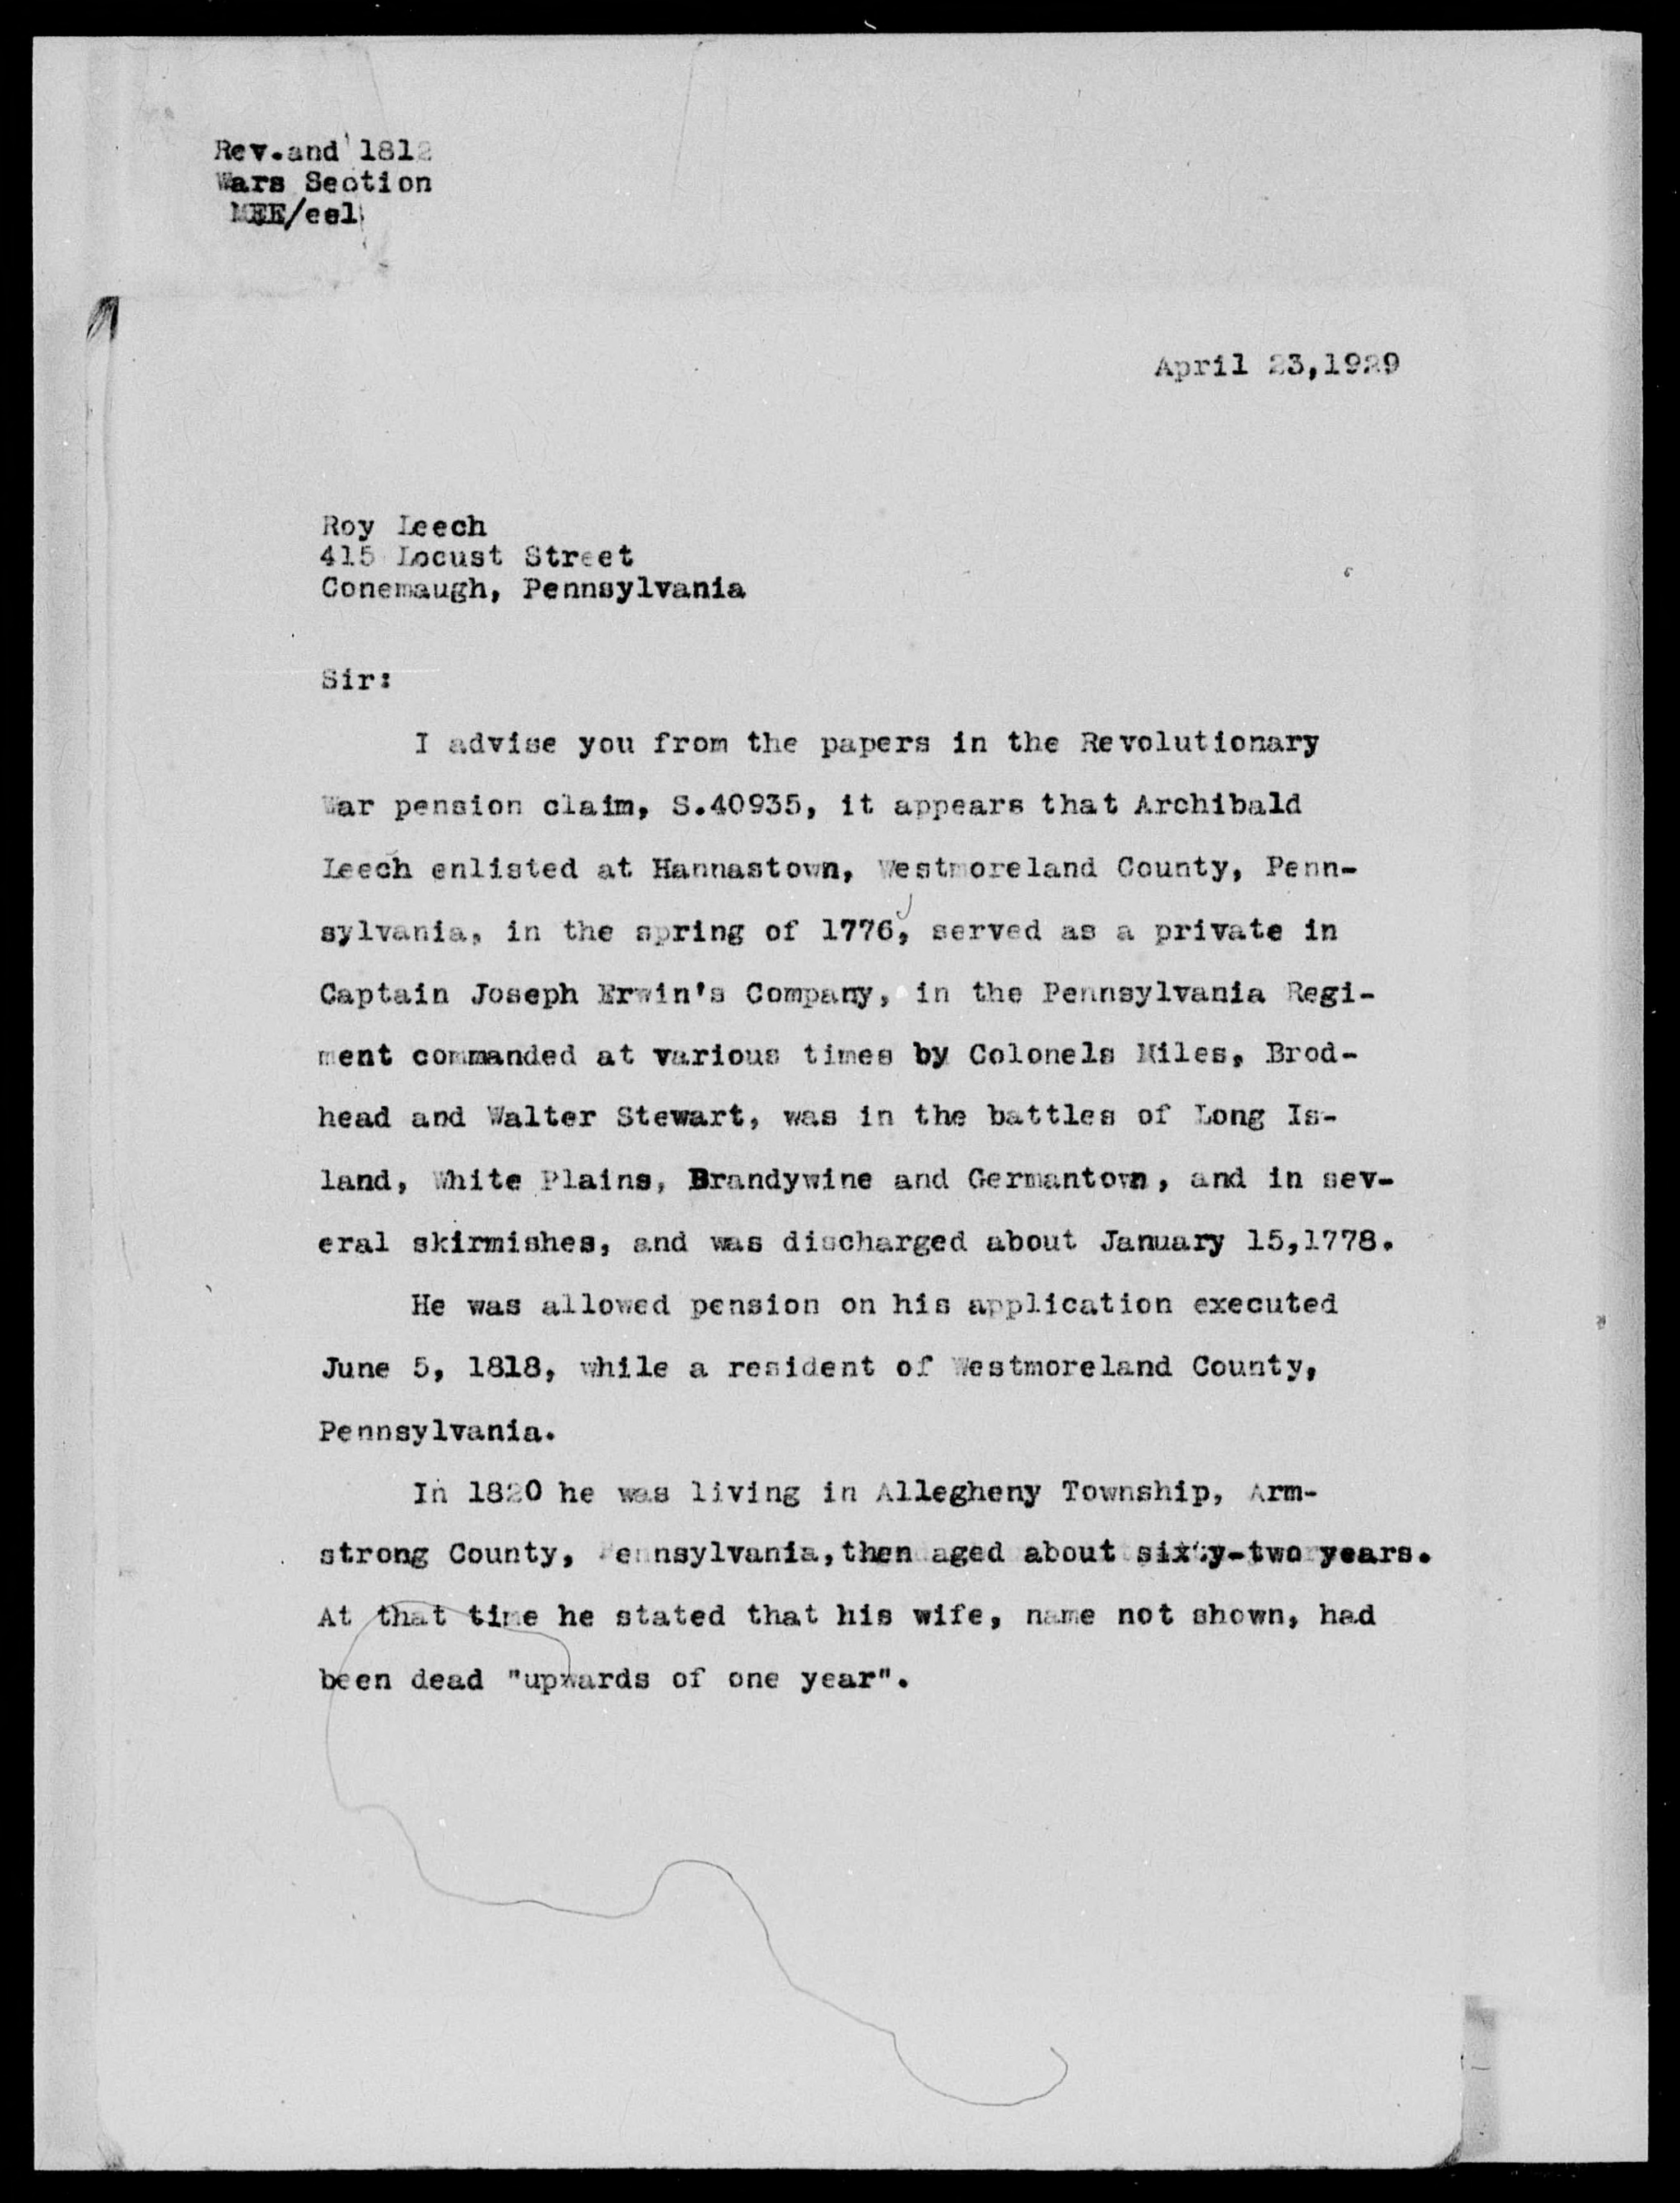Rev. and 1812
Wars Section
MEE/eel
April 23, 1929
Roy Leech
415 Locust Street
Conemaugh, Pennsylvania
Sir:
I advise you from the papers in the Revolutionary War pension claim, S. 40935, it appears that Archibald Leech enlisted at Hannastown, Westmoreland County, Pennsylvania, in the spring of 1776, served as a private in Captain Joseph Erwin's Company, in the Pennsylvania Regiment commanded at various times by Colonels Miles, Brodhead and Walter Stewart, was in the battles of Long Island, White Plains, Brandywine and Germantown, and in several skirmishes, and was discharged about January 15, 1778.
He was allowed pension on his application executed June 5, 1818, while a resident of Westmoreland County, Pennsylvania.
In 1820 he was living in Allegheny Township, Armstrong County, Pennsylvania, then aged about sixty-two years. At that time, he stated that his wife, name not shown, had been dead "upwards of one year".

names: Walter Stewart; Archibald Leech; [BLANK] Brodhead; [BLANK] Miles; Roy Leech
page: 11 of 20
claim: survivor's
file: S. 40,935, for Archibald Leech, Pennsylvania